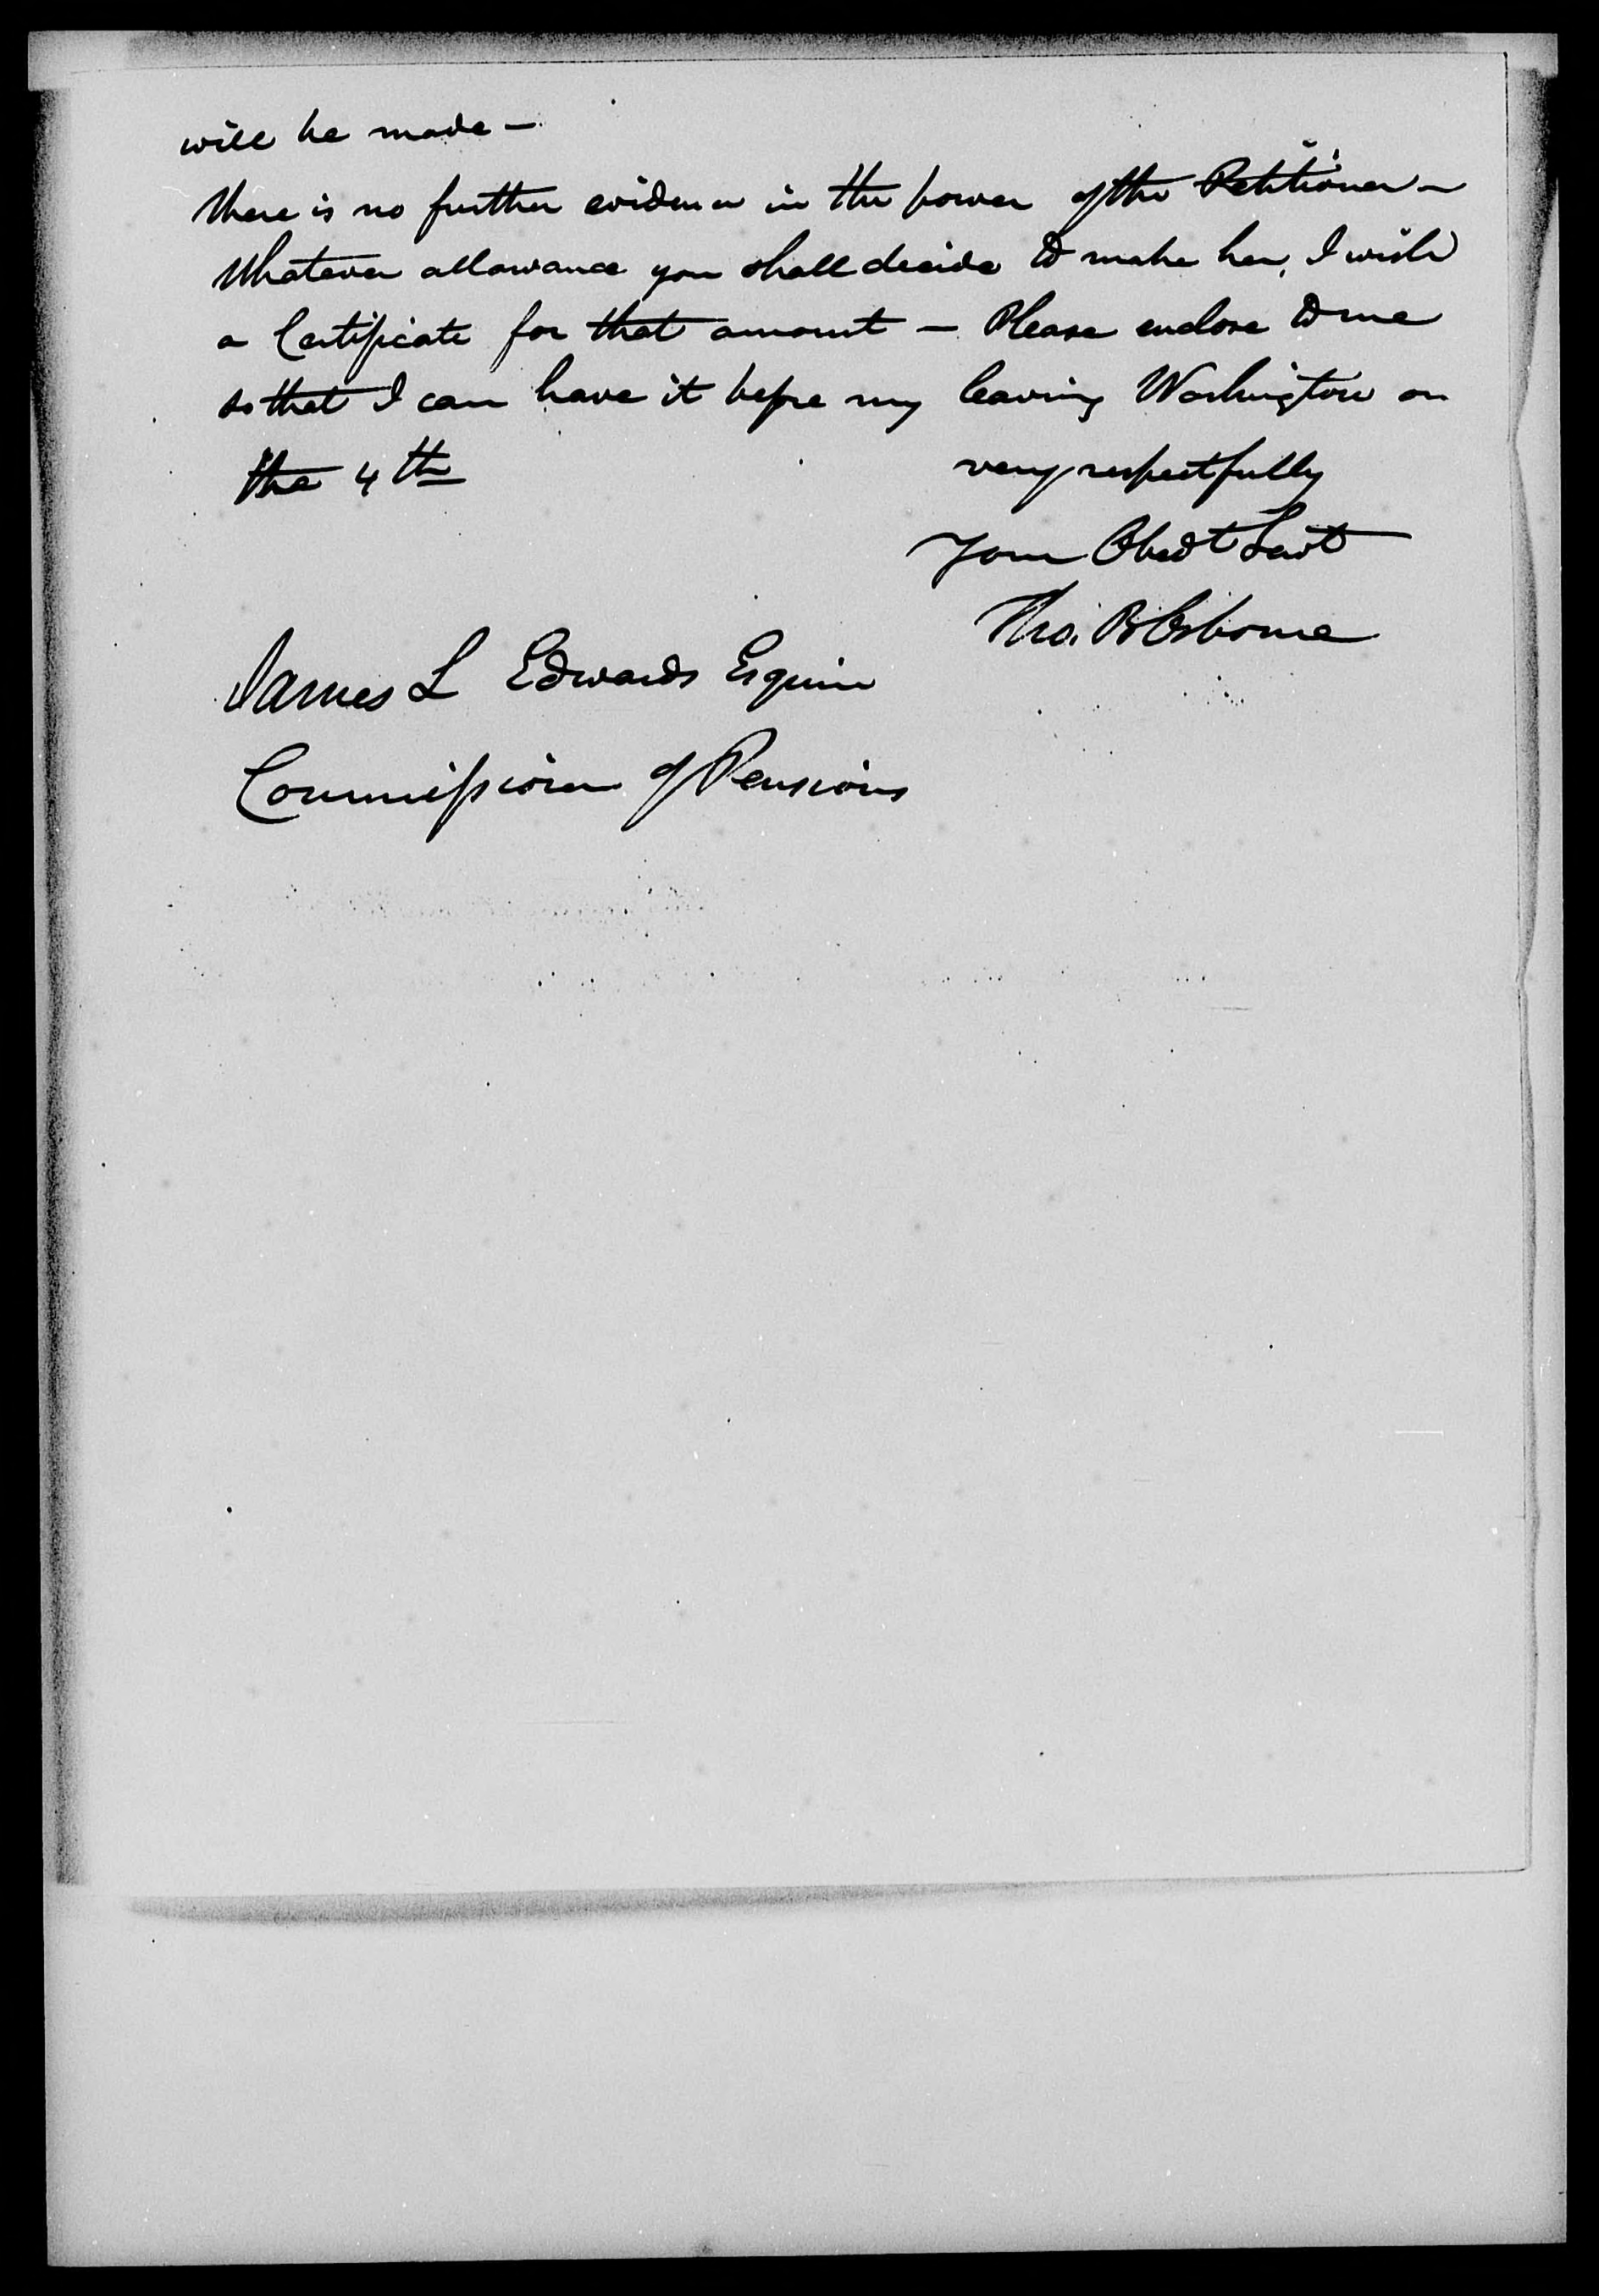will be made-
There is no further evidence in the power of the Petitioner -whatever allowance you shall decide to make her, I wish a certificate for that amount-Please enclose to me so that I can have it before my leaving Washington on the 4th

Very respectfully your obt sevt

Tho. B Osborne

James L Edwards Esquire
Commission of Pensions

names: James L Edwards, Tho B Osborne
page: 44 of 69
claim: widow's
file: W. 25562, Abijah Elwood, Conn.